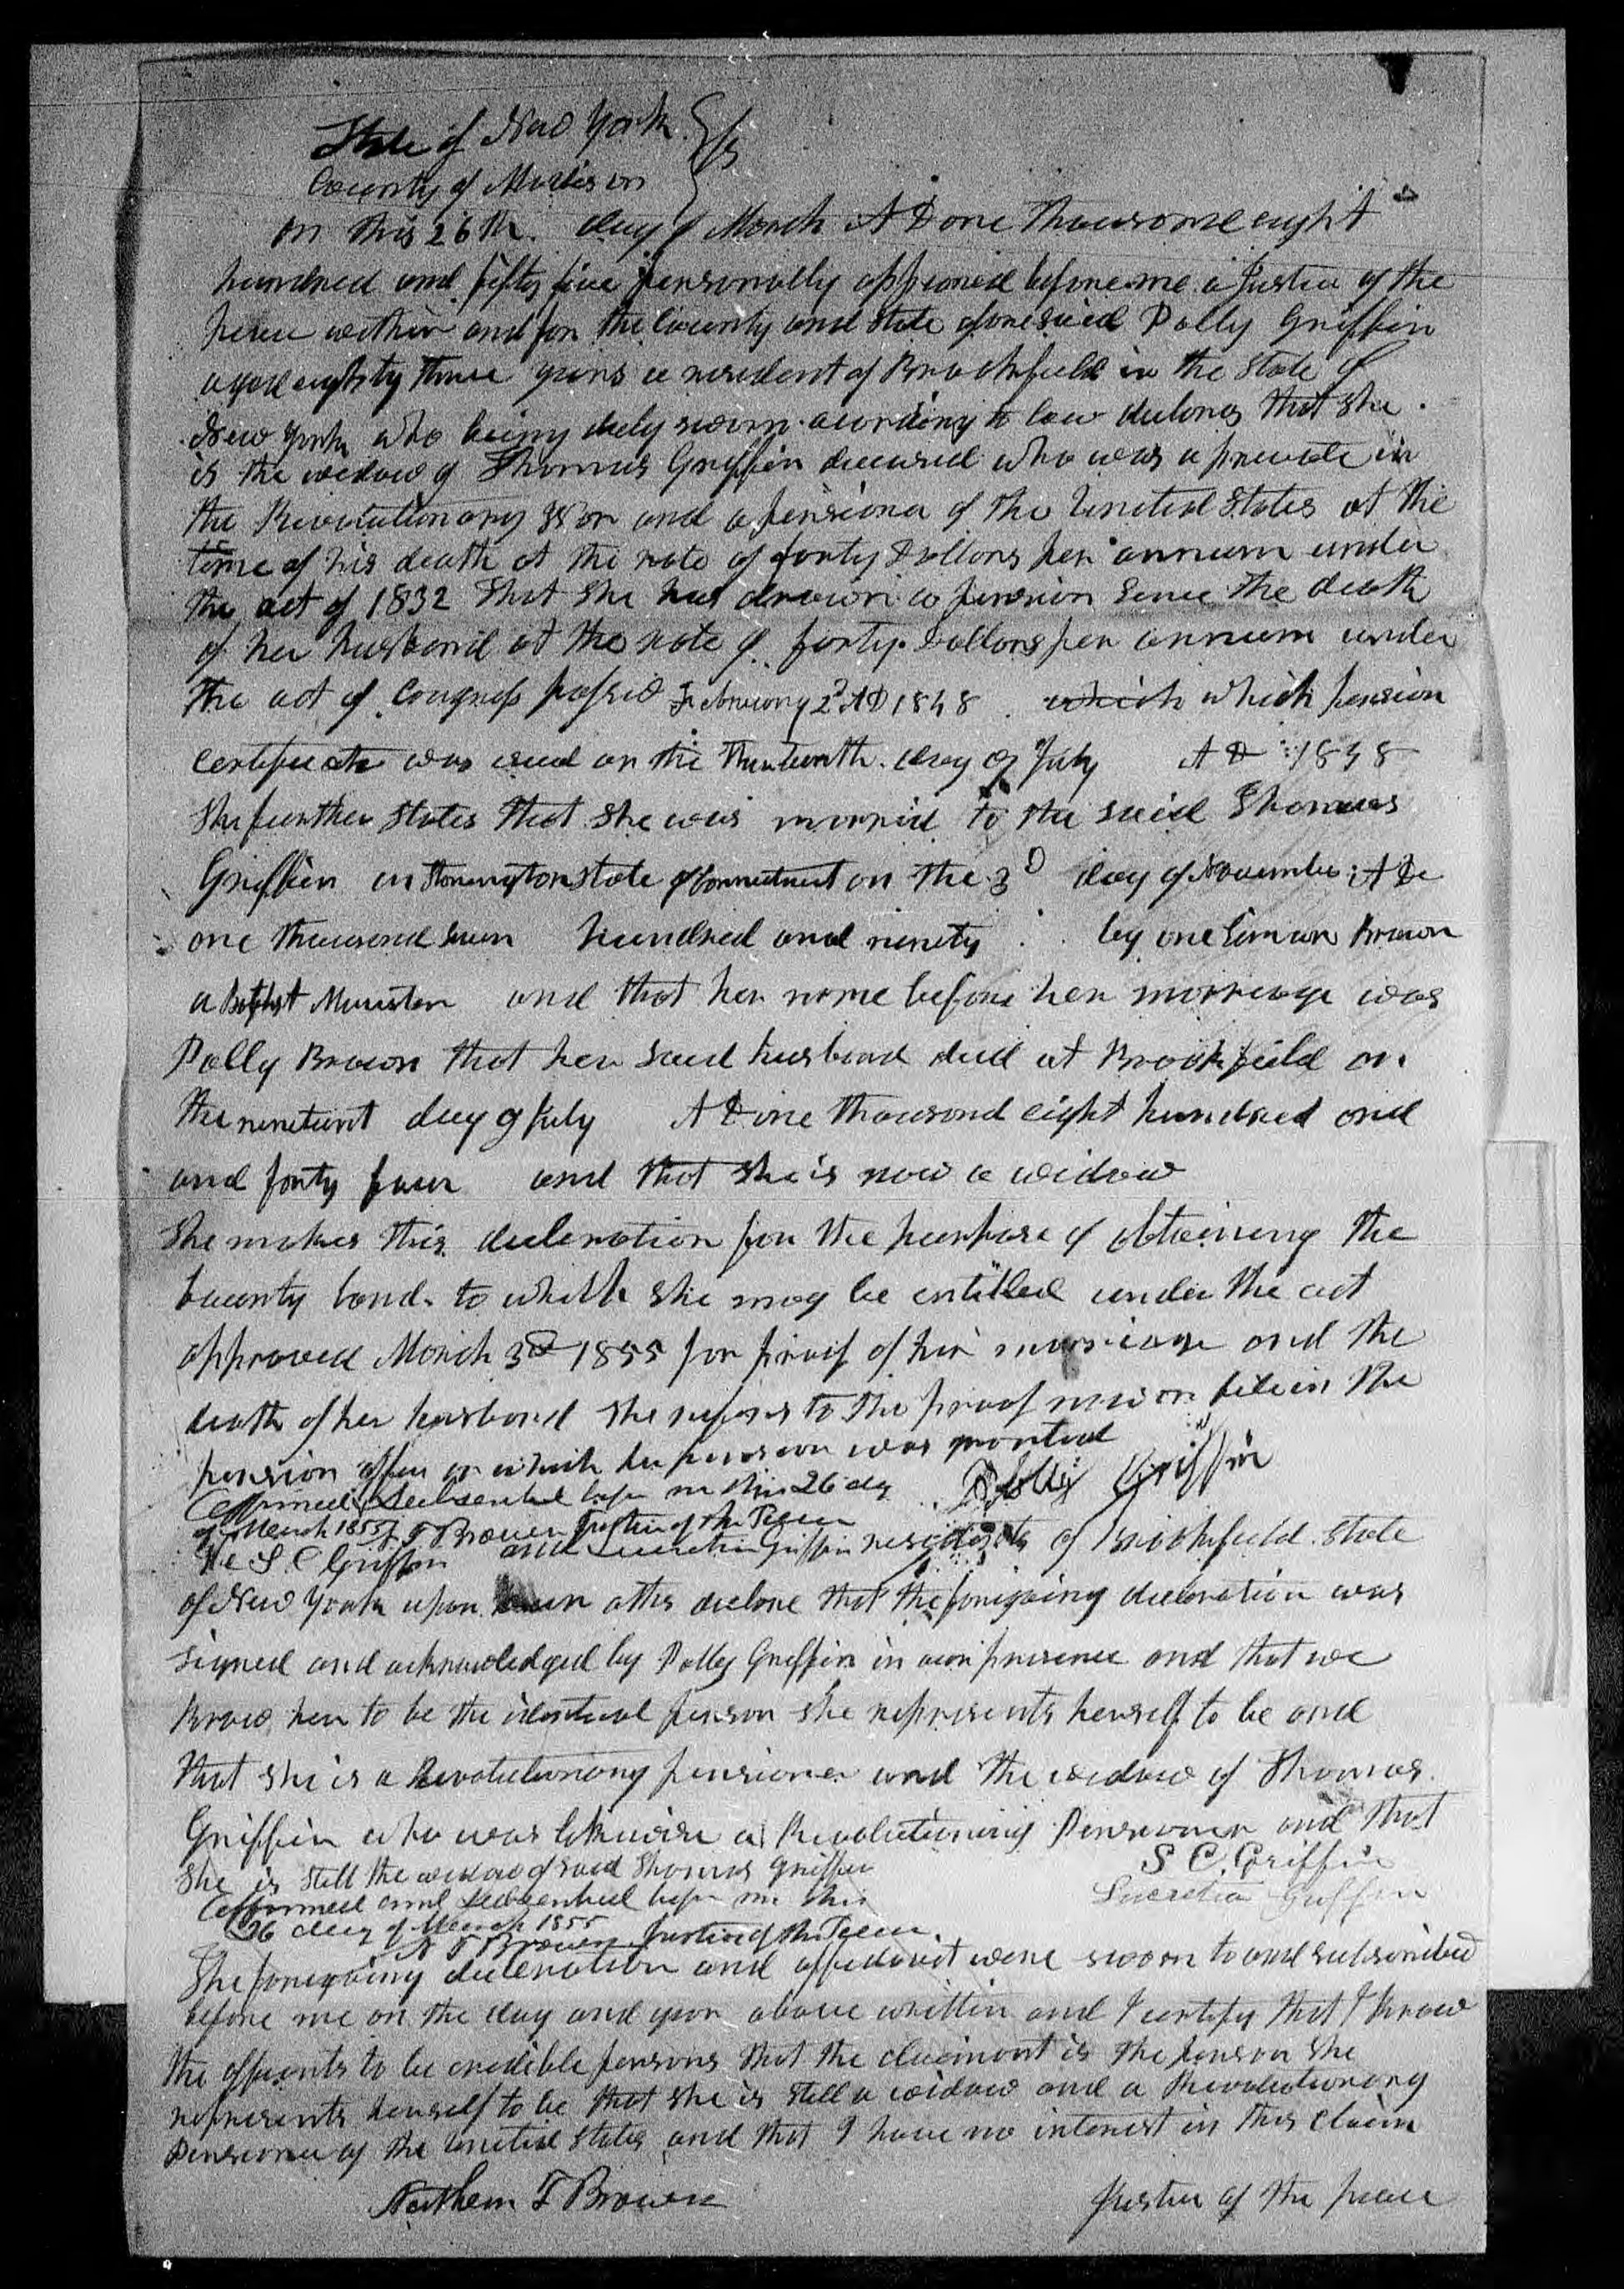State of New York County of Madison ss
On this 26th day March AD one thousand eight hundred and fifty five personally appeared before me a Justice of the peace within and for the County and State aforesaid Polly Griffin aged eighty three years a resident of Brookfield in the State of New York, who being duly sworn according to law declares
that she is the widow of Thomas Griffin deceased who was a private in the Revolutionary War and a pensioner of the United States at the time of his death at the rate of forty Dollars per annum under the act of 1832, that she has drawn a pension since the death of her husband at the rate of forty Dollars per annum under the act of Congress passed February 21 1848, which which pension certificate was issued on the thirteenth day of July AD 1848. She further states that she was married to the said Thomas Griffin in Stonington State of Connecticut on the 3d day of November AD one thousand seven hundred and ninety by one Simeon Brown a Baptist Minister and that her name before her marriage was Polly Brown, that her said husband died at Brookfield on the nineteenth day of July AD one thousand eight hundred and and forty four, and that she is now a widow
She makes this declaration for the purpose of obtaining the bounty land to which she may be entitled under the act approved March 3d 1855, for proof of her marriage and the death of her husband she refers to the proof on file in the pension office on which her pension was granted
[signed] Polly Griffin
Affirmed & subscribed before me this 26 day of March 1855. N. T Brown Justice of the Peace
We S C Griffin and Lucretia Griffin residents of Brookfield State of New York upon our oaths declare that the foregoing declaration was Signed and acknowledged by Polly Griffin in our presence and that we know her to be the identical person she represents herself to be, and that she is a Revolutionary pensioner and the widow of Thomas Griffin, who was likewise a Revolutionary Pensioner, and that she is still the widow of said Thomas Griffin
[signed] S C Griffin
[signed] Lucretia Griffin
Affirmed and subscribed before me this 26 day of March 1855 N T Brown, Justice of the Peace.
The foregoing declaration and affidavit were sworn to and subscribed before me on the day and year above written, and I certify that I know the affiants to be credible persons, that the claimant is the person she represents herself to be, that she is still a widow and a Revolutionary Pensioner of the United States, and that I have no interest in this claim
Nathan T Brown Justice of the Peace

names: Polly Girffin, Simeon Brown, Lucretia Griffin, Thomas Griffin, S C Griffin, N T Brown, Thomas Griffin, S C Griffin, Thomas Griffin, Thomas Griffin, Polly Griffin, Lucretia Griffin, Nathan T Brown, N T Brown, Polly Brown, Polly Griffin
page: 13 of 60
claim: widow's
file: W. 19,537, Thomas Griffin, Conn.